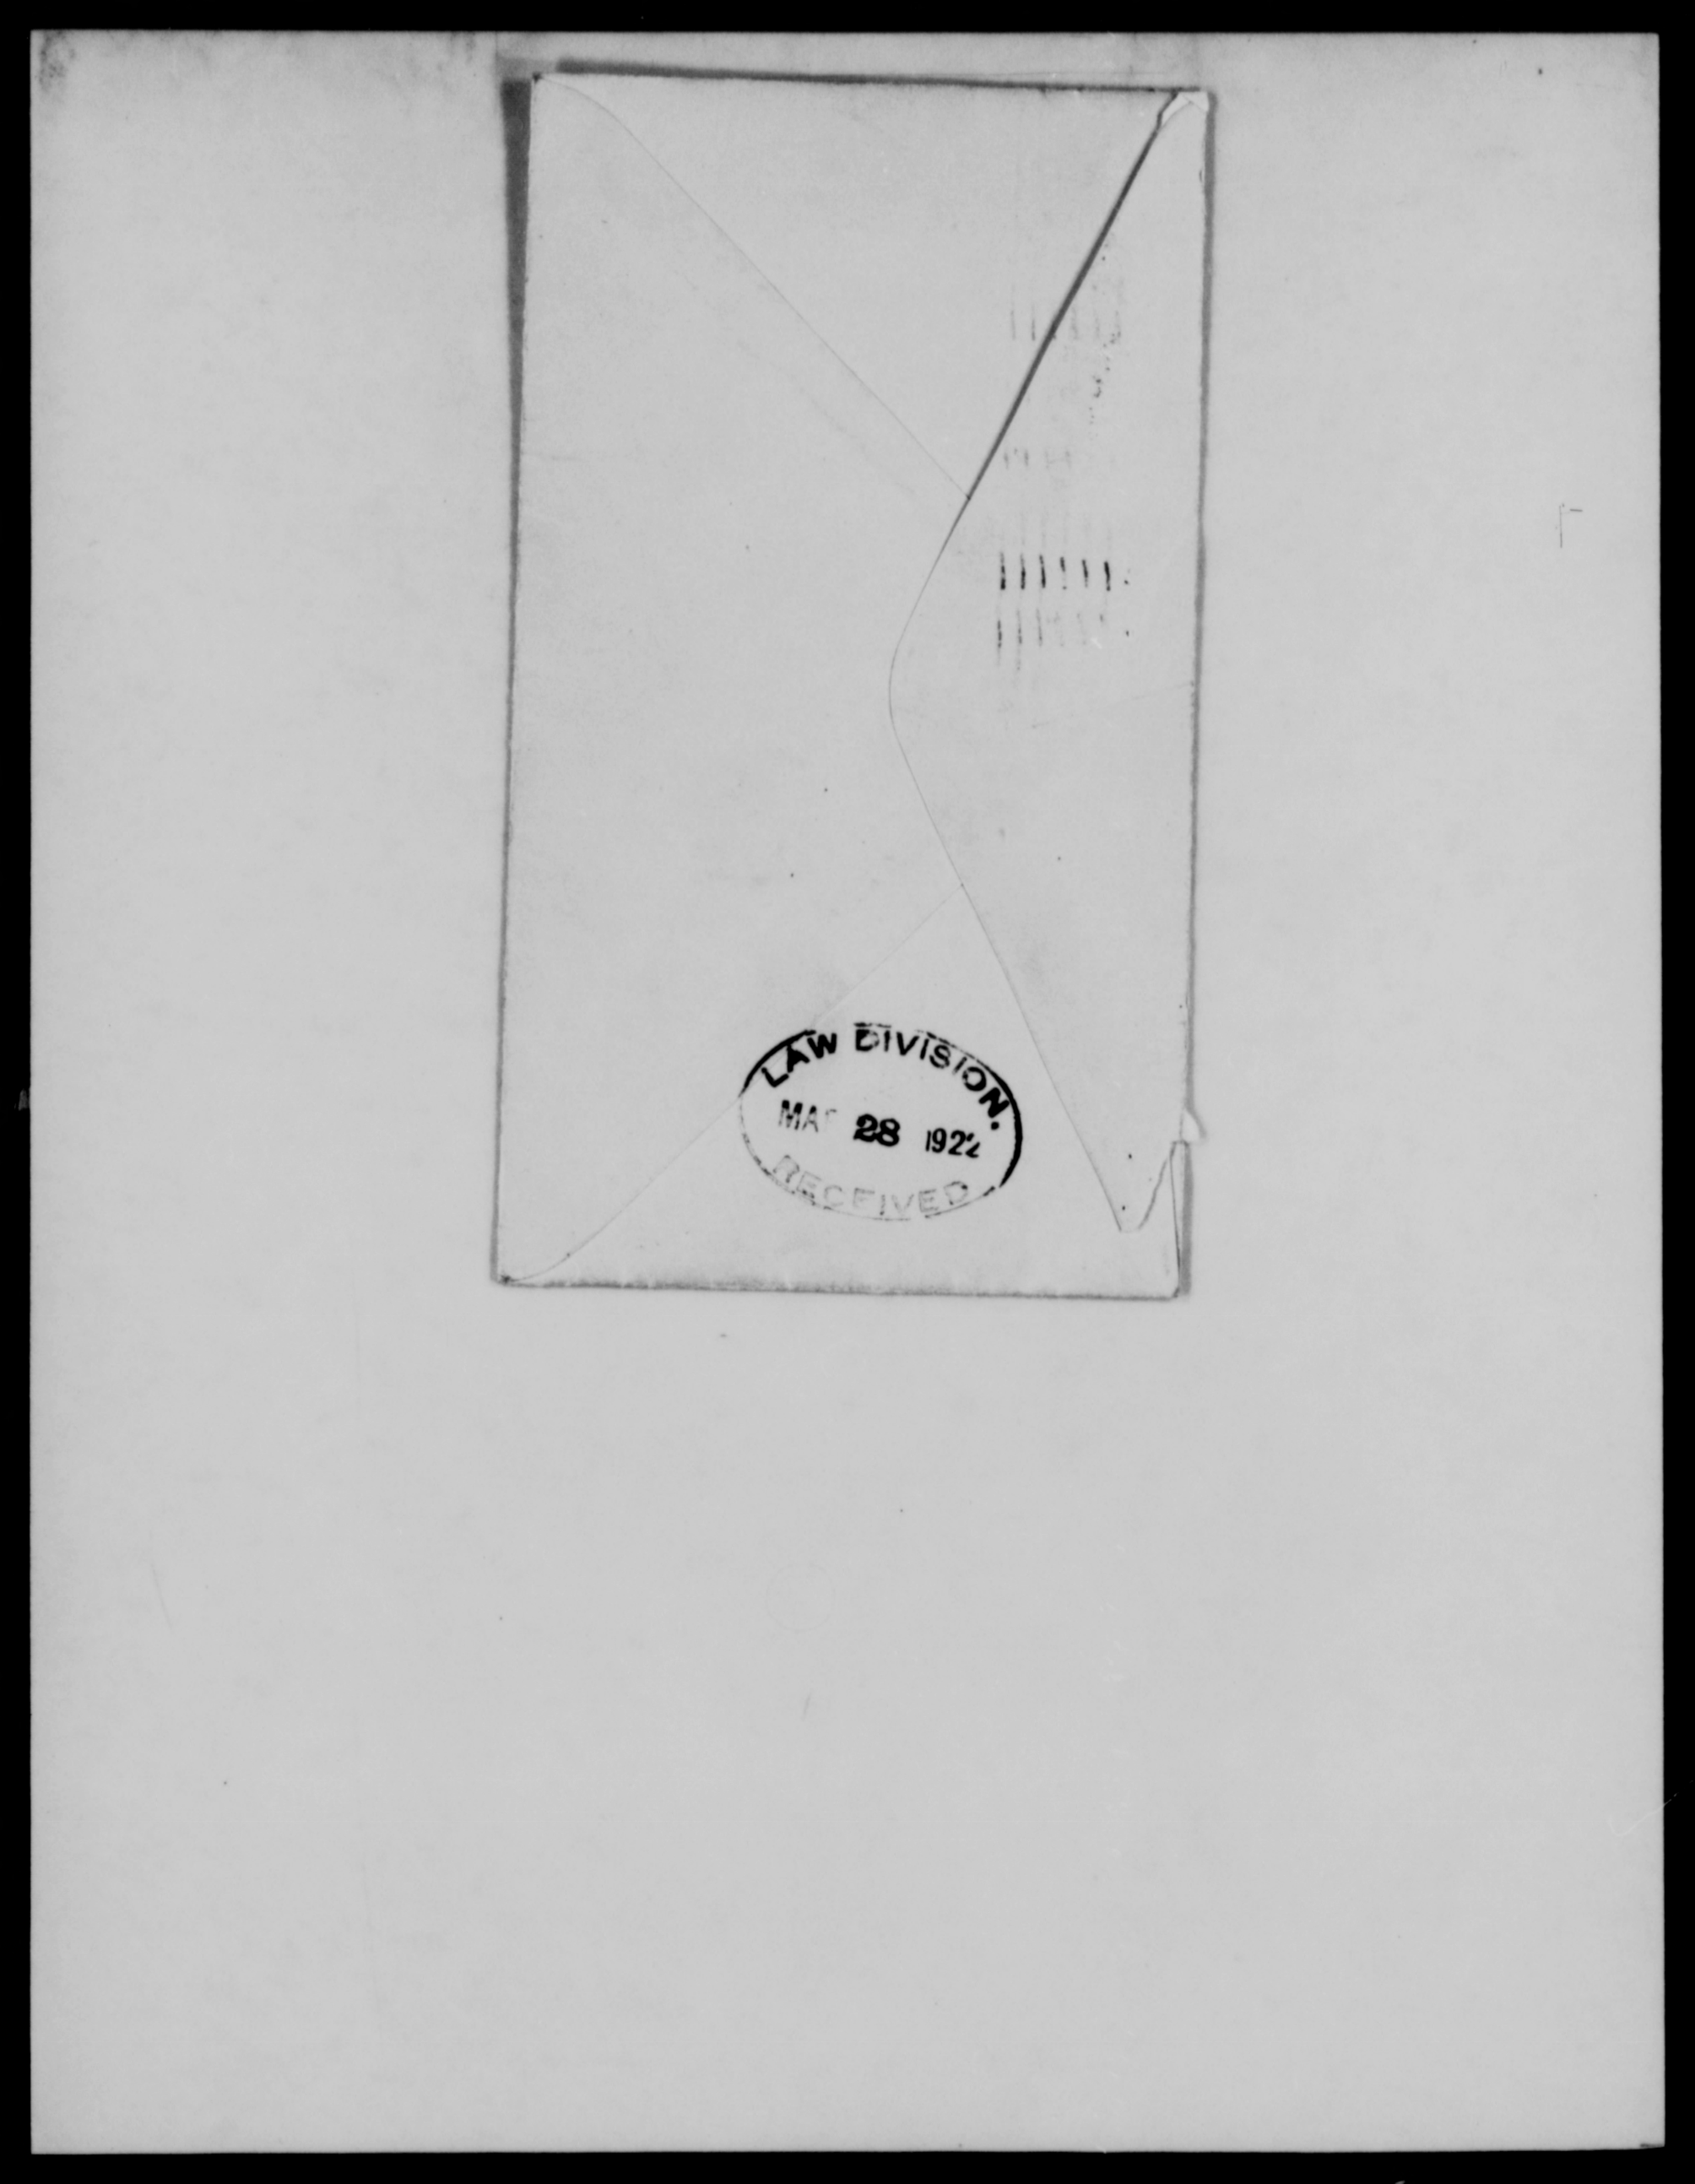(stamp):  Law Division Received
Mar 28 1922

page: 54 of 63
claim: widow's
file: W. 22,632, David Williams, Conn. Continental Privateer